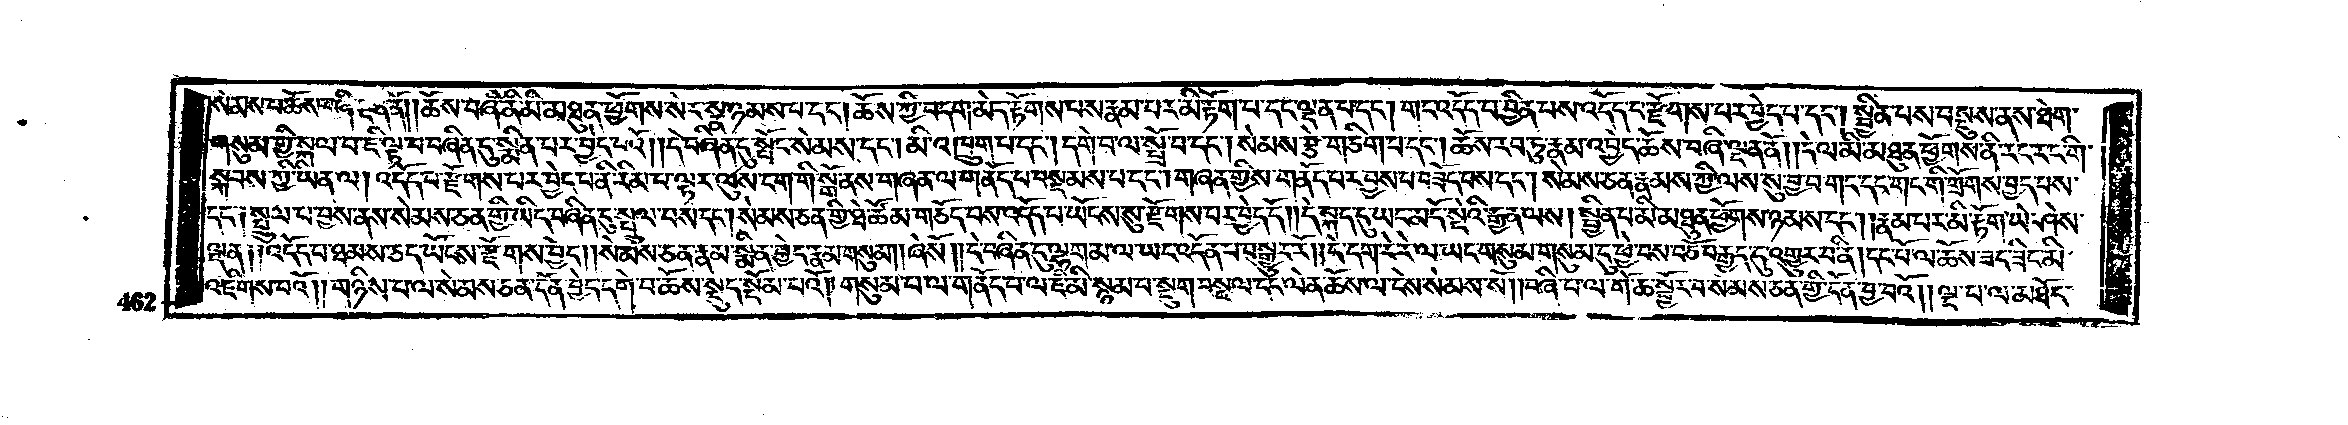སེམས་པ་ཆོས་བཞི་ལྡན་ནོ། །ཆོས་བཞི་ནི་མི་མཐུན་ཕྱོགས་སེར་སྣ་ཉམས་པ་དང་། ཆོས་ཀྱི་བདག་མེད་རྟོགས་པས་རྣམ་པར་མི་རྟོག་པ་དང་ལྡན་པ་དང་། གང་འདོད་པ་བྱིན་པས་འདོད་པ་རྫོགས་པར་བྱེད་པ་དང་། སྦྱིན་པས་བསྡུས་ནས་ཐེག་
གསུམ་གྱི་སྐལ་པ་ཇི་ལྟ་བ་བཞིན་དུ་སྨིན་པར་བྱེད་པའོ། །དེ་བཞིན་དུ་སྤོང་སེམས་དང་། མི་འཁྲུག་པ་དང་། དགེ་བ་ལ་སྤྲོ་བ་དང་། སེམས་རྩེ་གཅིག་པ་དང་། ཆོས་རབ་ཏུ་རྣམ་འབྱེད་ཆོས་བཞི་ལྡན་ནོ། །དེ་ལ་མི་མཐུན་ཕྱོགས་ནི་རང་རང་གི་
སྐབས་ཀྱི་ཡིན་ལ། འདོད་པ་རྫོགས་པར་བྱེད་པ་ནི་རིམ་པ་ལྟར་ལུས་ངག་གི་སྒོ་ནས་གཞན་ལ་གནོད་པ་བསྡམས་པ་དང་། གཞན་གྱིས་གནོད་པར་བྱས་པ་བཟོད་པས་དང་། སེམས་ཅན་རྣམས་ཀྱི་ལས་སུ་བྱ་བ་གང་དང་གང་གི་གྲོགས་བྱད་པས་
དང་། སྤྲུལ་པ་བྱས་ནས་སེམས་ཅན་གྱི་ཡིད་བཞིན་དུ་སྤྲུལ་པས་དང་། སེམས་ཅན་གྱི་ཐེ་ཚོམ་གཅོད་པས་འདོད་པ་ཡོངས་སུ་རྫོགས་པར་བྱེད་དོ། །དེ་སྐད་དུ་ཡང་མདོ་སྡེའི་རྒྱན་ལས། སྦྱིན་པ་མི་མཐུན་ཕྱོགས་ཉམས་དང་། །རྣམ་པར་མི་རྟོག་ཡེ་ཤེས་
ལྡན། །འདོད་པ་ཐམས་ཅད་ཡོངས་རྫོགས་བྱེད། །སེམས་ཅན་རྣམ་སྨིན་བྱེད་རྣམ་གསུམ། །ཞེས་སོ། །དེ་བཞིན་དུ་ལྷག་མ་ལ་ཡང་འདོན་པ་བསྒྱུར་རོ། །དེ་དག་རེ་རེ་ལ་ཡང་གསུམ་གསུམ་དུ་ཕྱེ་བས་བཅོ་བརྒྱད་དུ་འགྱུར་བ་ནི། དང་པོ་ལ་ཆོས་ཟང་ཟིང་མི་
འཇིགས་པའོ། །གཉིས་པ་ལ་སེམས་ཅན་དོན་བྱེད་དགེ་བ་ཆོས་སྡུད་སྡོམ་པའོ། །གསུམ་པ་ལ་གནོད་པ་ལ་ཇི་མི་སྙམ་པ་སྡུག་བསྔལ་དང་ལེན་ཆོས་ལ་ངེས་སེམས་སོ། །བཞི་པ་ལ་གོ་ཆ་སྦྱོར་བ་སེམས་ཅན་གྱི་དོན་བྱ་བའོ། །ལྔ་པ་ལ་མཐོང་